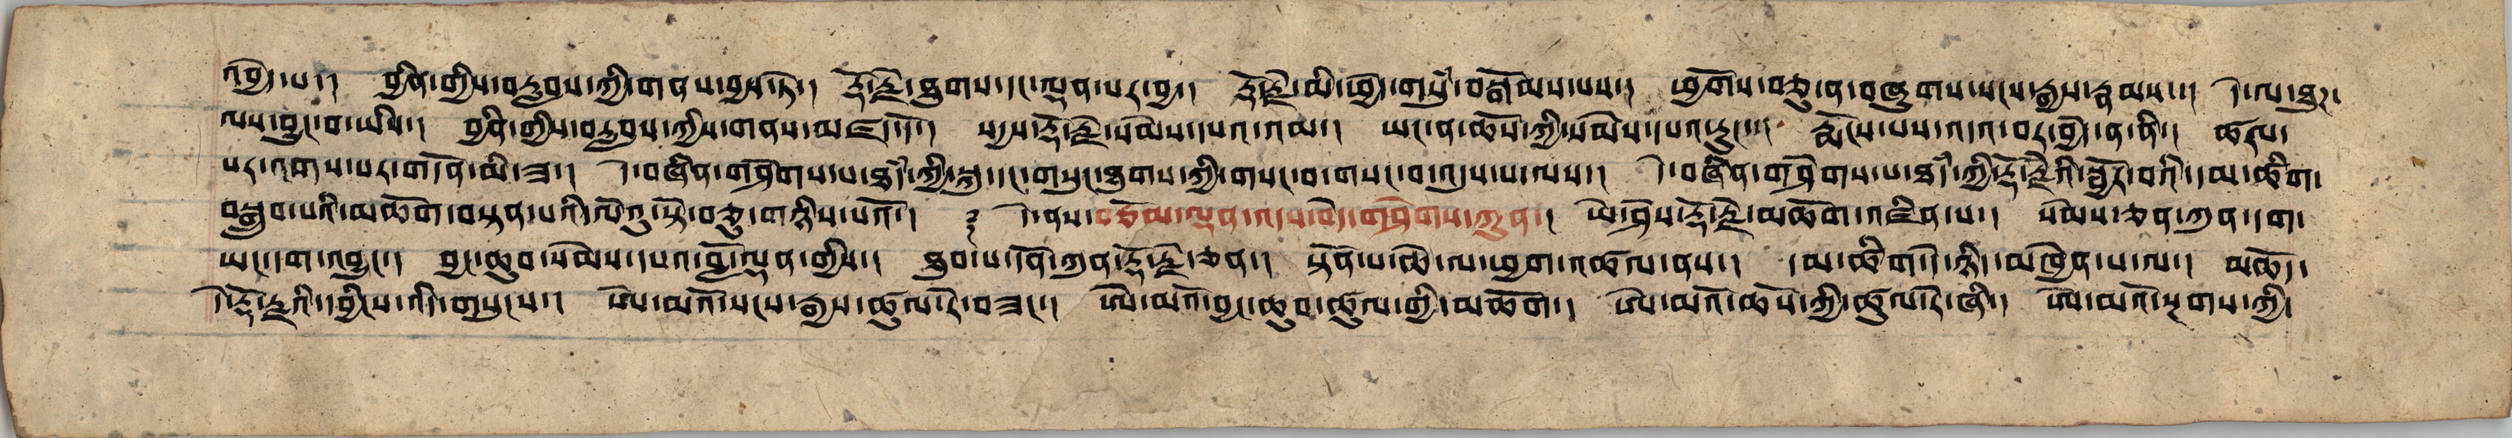འབྱེད་པ་། བྱིན་གྱིས་བརླབས་ཀྱི་གནས་བྱས་ཏེ་། རྡོ་རྗེ་ཐུགས་དང་ལྡན་པར་བྱ་། རྡོ་རྗེ་མི་ཕྱེད་གསུཾ་བསྒོམས་པས་། ཕྱོགས་བཅུ་ན་བཞུགས་སངས་རྒྱས་རྣམས་། དེ་ལ་ཐུཌ་
ལས་བྱུང་བ་ཡིས་། བྱིན་གྱིས་བརླབས་ཀྱིས་གནས་མཛད་དོ་། སདྱས་རྡོ་རྗེ་སེམས་དཔའ་འམ་། ཡང་ན་ཆོས་ཀྱི་སེམས་དཔའ་རུང་་། རྨོངས་པས་འདའ་བར་བྱེད་ན་ནི་། ཚལ་
སར་འགས་པར་གདོན་མི་ཟ་། དེ་བཞིན་གཤེགས་པ་ཐཾད་ཀྱི་སྐུ་དང་གསུང་ཐུགས་ཀྱི་གསང་བ་གསང་བ་འདུས་པ་ལས་། དེ་བཞིན་གཤེགས་པ་ཐཾད་ཀྱི་རྡོ་རྗེའི་སྦྱོར་བའི་དམ་ཚིག་
བསྒྲུབ་པའི་མཆོག་བསྟན་པའི་ལེའུ་སྟེ་བཅུ་གཉིས་པའོ་། ༈ དེ་ནས་བཅོམ་ལྡན་འདས་བདེ་གཤེགས་ཀུན་། ཡེ་ཤེས་རྡོ་རྗེ་མཆོག་འཛིན་པ་། སེམས་ཅནཀུན་དག་
ཡང་དག་འབྱུང་། བྱང་ཆུབ་སེམས་དཔའ་བློ་ལྡན་གྱིས་། ཐུབ་པ་དོན་ཀུན་རྡོ་རྗེ་ཅན་། སྟོན་པ་ཆེ་ལ་ཕྱག་འཚལ་ནས་། དམ་ཚིག་དེ་ཉིད་མཁྱེན་པ་ལ་། མཆོད་
དེ་རྡོ་རྗའི་དབྱིངས་འདི་གསུངས་། ཨེ་མའོ་སངས་རྒྱས་ཚུལ་རེ་བཟང་། ཨེ་མའོ་བྱང་ཆུབ་ཚུལ་གྱི་མཆོག། ཨེ་མའོ་ཆོས་ཀྱི་ཚུལ་རེ་ཞི་། ཨེ་མའོ་སྔགས་ཀྱི་